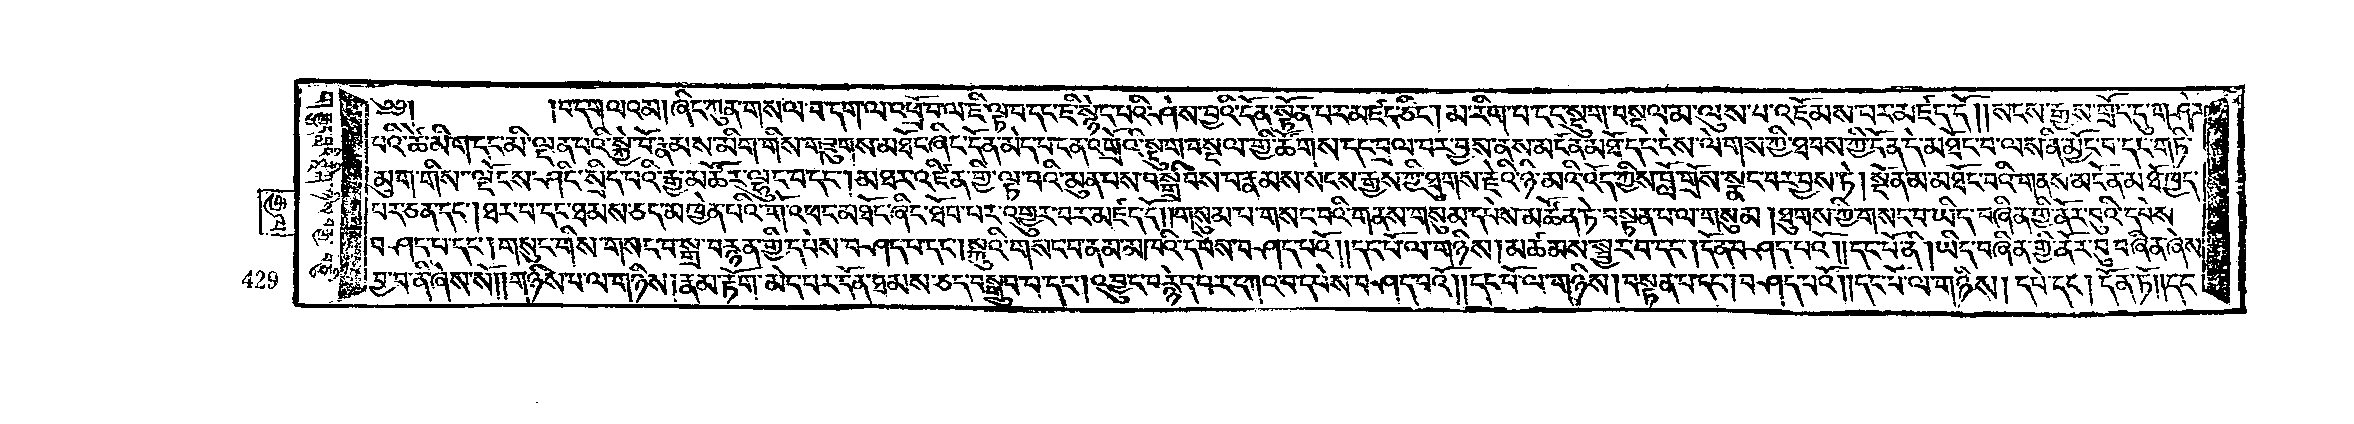༄༅། །བདག་ལའམ། ཞིང་ཀུན་གསལ་བ་དག་ལ་འཕྲོ་བ་ལ་ཇི་ལྟ་བ་དང་ཇི་སྙེད་པའི་ཤེས་བྱའི་དོན་སྟོན་པར་མཛད་ཅིང་། མ་རིག་པ་དང་སྡུག་བསྔལ་མ་ལུས་པ་འཇོམས་པར་མཛད་དོ། །སངས་རྒྱས་གྲོང་དུ་གཤེགས་
པའི་ཚེ་མིག་དང་མི་ལྡན་པའི་སྐྱེ་བོ་རྣམས་མིག་གིས་གཟུགས་མཐོང་ཞིང་དོན་མེད་པ་ངན་འགྲོའི་སྡུག་བསྔལ་གྱི་ཚོགས་དང་བྲལ་བར་བྱས་ནས་མངོན་མཐོ་དང་ངེས་ལེགས་ཀྱི་ཐབས་ཀྱི་དོན་དེ་མཐོང་བ་ལས་ནི་མྱོང་བ་དང་གཏི་
མུག་གིས་ལྡོངས་ཤིང་སྲིད་པའི་རྒྱ་མཚོར་ལྷུང་བ་དང་། ཐར་འཛིན་གྱི་ལྟ་བའི་མུན་པས་བསྒྲིབས་པ་རྣམས་སངས་རྒྱས་ཀྱི་ཐུགས་རྗེའི་ཉི་མའི་འོད་ཀྱིས་བློ་གྲོས་སྣང་བར་བྱས་ཏེ། སྔོན་མ་མཐོང་བའི་གནས་མངོན་མཐོ་ཁྱད་
པར་ཅན་དང་། ཐར་པ་དང་ཐམས་ཅད་མཁྱེན་པའི་གོ་འཕང་མཐོང་ཞིང་ཐོབ་པར་འགྱུར་བར་མཛད་དོ། །གསུམ་པ་གསང་བའི་གནས་གསུམ་དཔེས་མཚོན་ཏེ་བསྟན་པ་ལ་གསུམ། ཐུགས་ཀྱི་གསང་བ་ཡིད་བཞིན་གྱི་ནོར་བུའི་དཔེས་
བཤད་པ་དང་། གསུང་གིས་གསང་བ་སྒྲ་བརྙན་གྱི་དཔེས་བཤད་པ་དང་། སྐུའི་གསང་བ་ནམ་མཁའི་དཔེས་བཤད་པའོ། །དང་པོ་ལ་གཉིས། མཚམས་སྦྱར་བ་དང་། དོན་བཤད་པའོ། །དང་པོ་ནི། ཡིད་བཞིན་གྱི་ནོར་བུ་བཞིན་ཞེས་
བྱ་བ་ནི་ཞེས་སོ། །གཉིས་པ་ལ་གཉིས། རྣམ་རྟོག་མེད་པར་དོན་ཐམས་ཅད་བསྒྲུབ་པ་དང་། འབྱུང་བརྙེད་པར་དཀའ་བ་དཔེས་བཤད་པའོ། །དང་པོ་ལ་གཉིས། བསྟན་པ་དང་། བཤད་པའོ། །དང་པོ་ལ་གཉིས། དཔེ་དང་། དོན་ཏོ། །དང་